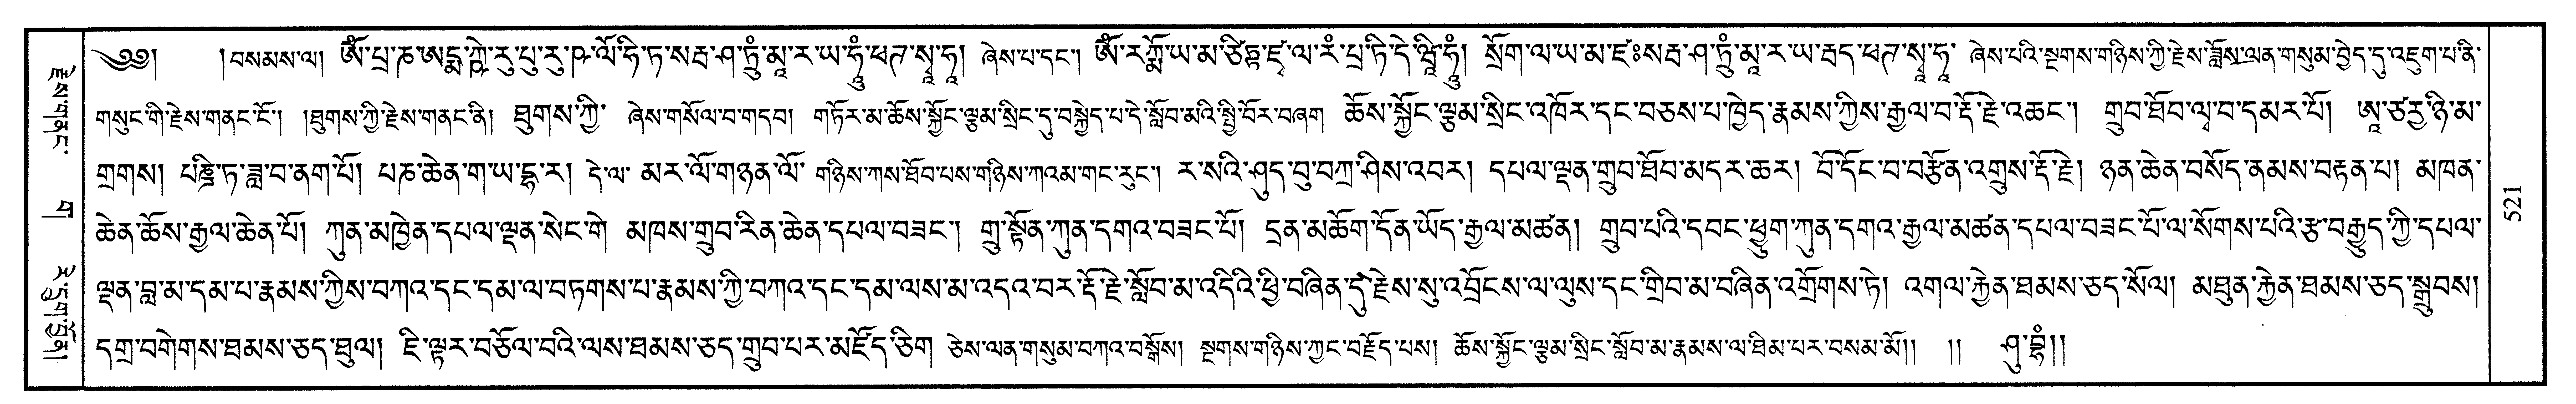༄༅། །བསམས་ལ། ཨོཾ་པྲ་ཎ་ཨངྨ་ཀྵེ་རུ་པུ་རུ་ཥ་ལོ་ཧི་ཏ་སརྦ་ཤ་ཏྲུཾ་མཱ་ར་ཡ་ཧཱུཾ་ཕཊ་སྭཱ་ཧཱ། ཞེས་པ་དང་། ཨོཾ་རཀྨོ་ཡ་མ་ཙིཏྟ་ཛྭ་ལ་རཾ་པྲ་ཏི་དེ་ཝཱི་ཧཱུཾ། སྲོག་ལ་ཡ་མ་ཛཿ སརྦ་ཤ་ཏྲུཾ་མཱ་ར་ཡ་རྦད་ཕཊ་སྭཱ་ཧཱ་ཞེས་པའི་སྔགས་གཉིས་ཀྱི་རྗེས་ཟློས་ལན་གསུམ་བྱེད་དུ་འཇུག་པ་ནི་
གསུང་གི་རྗེས་གནང་ངོ། །ཐུགས་ཀྱི་རྗེས་གནང་ནི། ཐུགས་ཀྱི་ཞེས་གསོལ་བ་གདབ། གཏོར་མ་ཆོས་སྐྱོང་ལྕམ་སྲིང་དུ་བསྐྱེད་པ་དེ་སློབ་མའི་སྤྱི་བོར་བཞག་ཆོས་སྐྱོང་ལྕམ་སྲིང་འཁོར་དང་བཅས་པ་ཁྱེད་རྣམས་ཀྱིས་རྒྱལ་བ་རྡོ་རྗེ་འཆང་། གྲུབ་ཐོབ་ལྭ་བ་དམར་པོ། ཨཱ་ཙརྱ་ཉི་མ་
གྲགས། པཎྜི་ཏ་ཟླ་བ་ནག་པོ། པཎ་ཆེན་ག་ཡ་དྷ་ར། དེ་ལ་མར་ལོ་གཉན་ལོ། གཉིས་ཀས་ཐོབ་པས་གཉིས་ཀའམ་གང་རུང་། ར་སའི་ཤུད་བུ་བཀྲ་ཤིས་འབར། དཔལ་ལྡན་གྲུབ་ཐོབ་མདར་ཆར། བོ་དོང་བརྩོན་འགྲུས་རྡོ་རྗེ། ཉན་ཆེན་བསོད་ནམས་བརྟན་པ། མཁན་
ཆེན་ཆོས་རྒྱལ་ཆེན་པོ། ཀུན་མཁྱེན་དཔལ་ལྡན་སེང་གེ། མཁས་གྲུབ་རིན་ཆེན་དཔལ་བཟང་། གྲུ་སྟོན་ཀུན་དགའ་བཟང་པོ། དྲན་མཆོག་དོན་ཡོད་རྒྱལ་མཚན། གྲུབ་པའི་དབང་ཕྱུག་ཀུན་དགའ་རྒྱལ་མཚན་དཔལ་བཟང་པོ་ལ་སོགས་པའི་རྩ་བརྒྱུད་ཀྱི་དཔལ་
ལྡན་བླ་མ་དམ་པ་རྣམས་ཀྱིས་བཀའ་དང་དམ་ལ་བཏགས་པ་རྣམས་ཀྱི་བཀའ་དང་དམ་ལས་མ་འདའ་བར་རྡོ་རྗེ་སློབ་མ་འདིའི་ཕྱི་བཞིན་དུ་རྗེས་སུ་འབྲོངས་ལ་ལུས་དང་གྲིབ་མ་བཞིན་འགྲོགས་ཏེ། འགལ་རྐྱེན་ཐམས་ཅད་སོལ། མཐུན་རྐྱེན་ཐམས་ཅད་སྒྲུབས།
དགྲ་བགེགས་ཐམས་ཅད་ཐུལ། ཇི་ལྟར་བཅོལ་བའི་ལས་ཐམས་ཅད་གྲུབ་པར་མཛོད་ཅིག་ཅེས་ལན་གསུམ་བཀའ་བསྒོས། སྔགས་གཉིས་ཀྱང་བརྗོད་པས། ཆོས་སྐྱོང་ལྕམ་སྲིང་སློབ་མ་རྣམས་ལ་ཐིམ་པར་བསམ་མོ།། །། ཤུ་བྷཾ།།